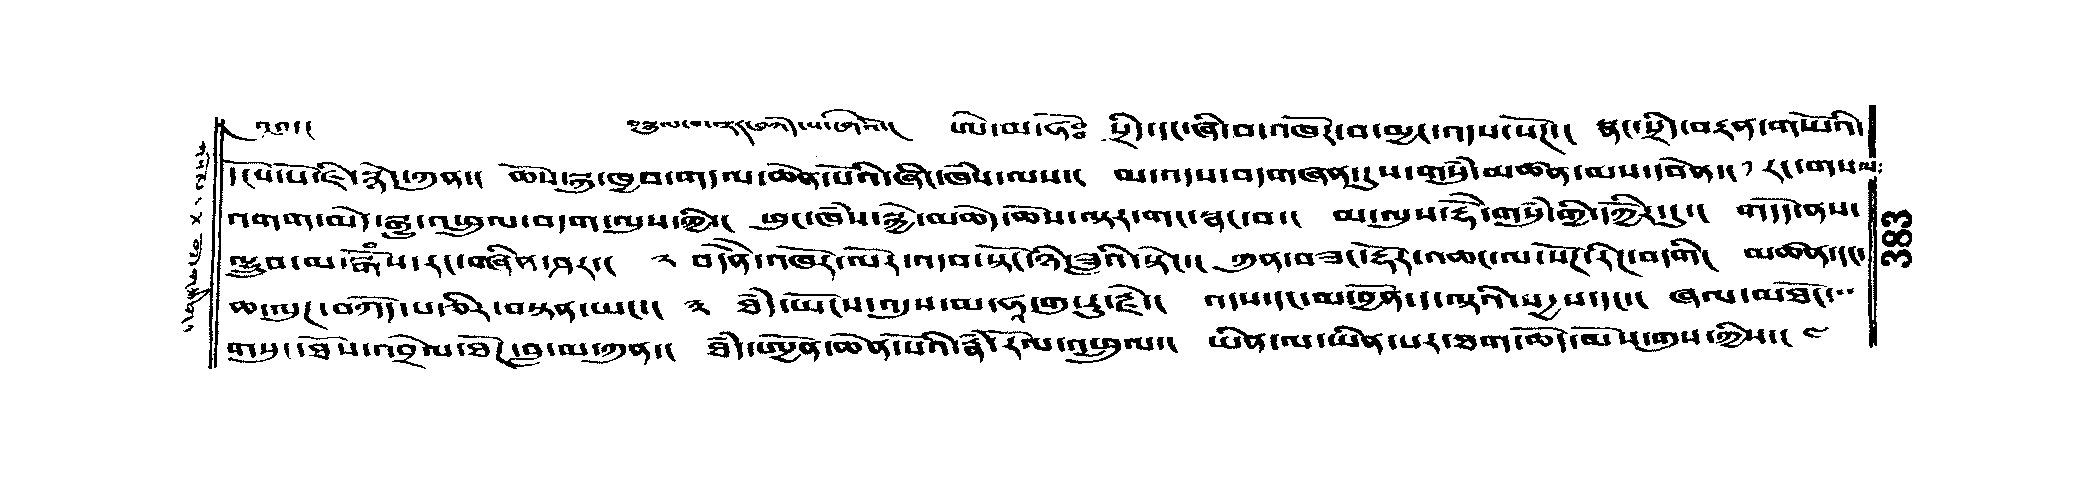བསྐུལ་བ་ལྟར་བཀོད་པ་དགེའོ།། ཨེ་མ་ཧོཿ སྲིད་དང་ཞི་བ་འཁོར་བ་མྱང་འདས་སོགས། །སྣང་སྲིད་བརྟན་གཡོའི་
དངོས་པོ་ཇི་སྙེད་ཀུན། །ཆོས་སྐུ་ཁྱབ་གདལ་ཆེན་པོའི་ཞིང་ཁམས་ལས། །མ་འདས་བདག་གཞན་དུས་གསུམ་མཚན་མས་དབེན།༡ །རང་གསལ་
འགག་མེད་སྒྱུ་འཕྲུལ་བདག་ལུས་ཀྱི། །ཕུང་ཁམས་སྐྱེ་མཆེད་ཆོས་ལྟར་གང་སྣང་བ། །མ་ལུས་རྡོ་རྗེ་གསུམ་གྱི་དཀྱིལ་འཁོར་དུ། །གདོད་ནས་
ལྷུན་གྲུབ་མ་སྒོམས་རང་བཞིན་ཤར། ༢ །བདེ་ཆེན་འཁོར་ལོར་འདབ་སྟོང་ཉི་ཟླའི་སྟེང་། །ཀུན་བཟང་རྡོར་འཆང་ལ་སོགས་རིགས་བདག་གི །མཚན་དང་
ཆ་ལུགས་བཀོད་པ་ཅིར་བསྟན་ཡང་། ༣ །ཐམས་ཅད་ཡོངས་འདུས་མ་ཧཱ་གུ་རུ་རྗེ། །འདས་དང་མ་བྱོན་ད་ལྟའི་སངས་རྒྱས་དང་། །ཞལ་མཐོང་
གསུང་ཐོས་འབྲེལ་ཐོགས་བླ་མ་ཀུན། །ཐམས་ཅད་ཨོ་རྒྱན་ཆེན་པོའི་རྣམ་རོལ་འཕྲུལ། །ཡིན་ལ་ཡིན་པར་ཐག་ཆོད་མོས་གུས་ཀྱིས། ༤